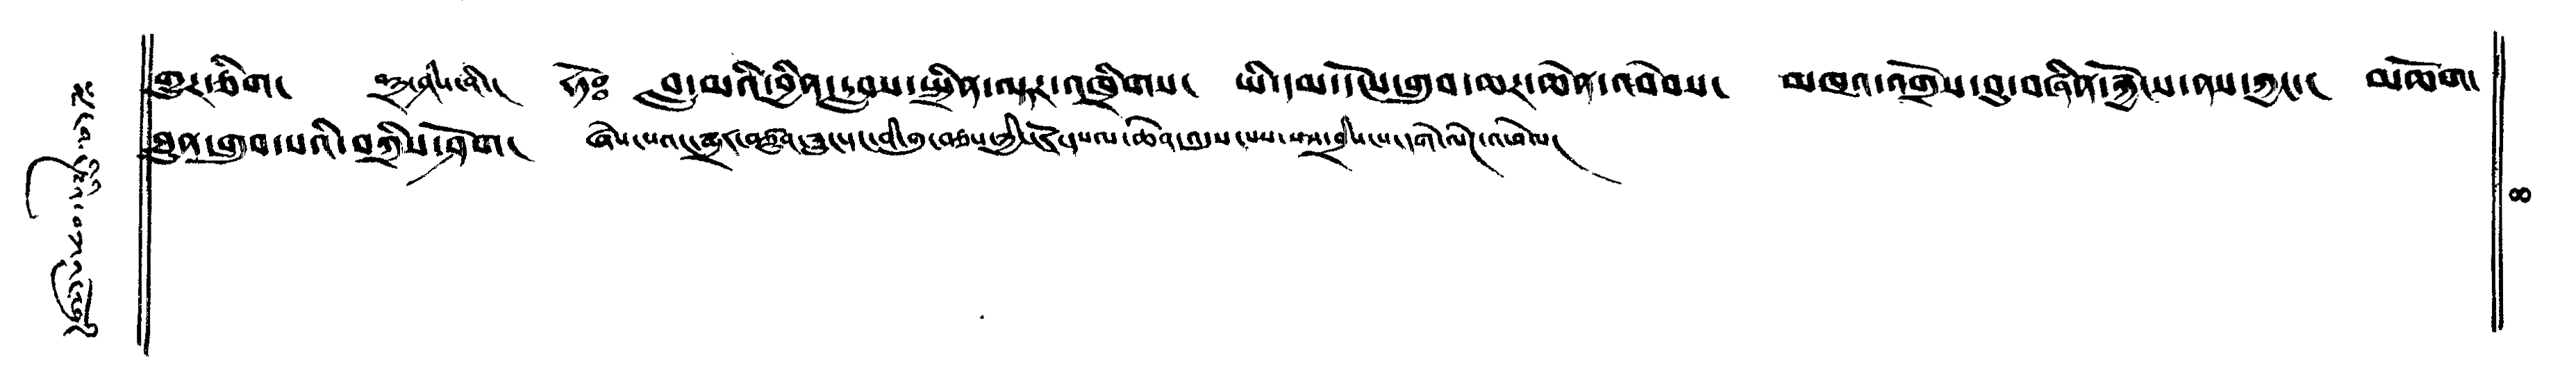གྱུར་ཅིག །བཀྲ་ཤིས་ནི། ཧོ། བླ་མའི་བྱིན་རླབས་སྤྲིན་ལྟར་འཁྲིགས། །ཡི་དམ་དངོས་གྲུབ་ཆར་ཆེན་འབེབས། །མཁའ་འགྲོས་བུ་བཞིན་བསྐྱངས་ནས་ཀྱང་། །མཆོག་
ཐུན་གྲུབ་པའི་བཀྲ་ཤིས་ཤོག ཅེས་པའང་སྨྲར་བཙུན་ཟུང་དང་ནི་གུ་བཅས་ཀྱི་ངོར་དཔལ་ཆེན་འདུས་པས་བྲིས་པ་དགེ་ལེགས་འཕེལ།། བཀྲ་ཤིས།།